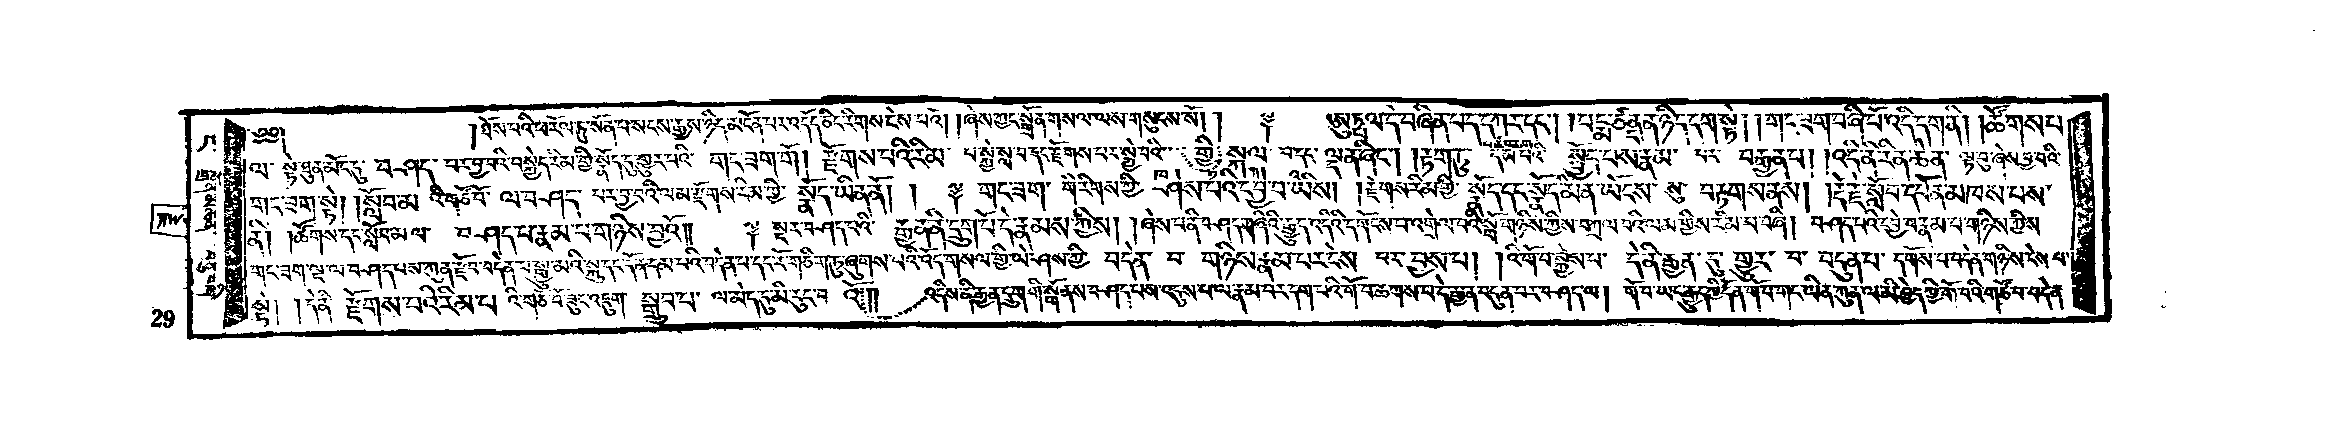༄༅། །ཐོས་པའི་ཕ་རོལ་ཏུ་སོན་པ་སངས་རྒྱས་ཉིད་མངོན་པར་འདོད་ཅིང་རིགས་ངེས་པའོ། །ཞེས་ཀྱང་སྒྲོན་གསལ་ལས་གསུངས་སོ། ། ༈ ཨུཏྤལ་དེ་བཞིན་པད་དཀར་དང་། །པདམ་ཙནྡན་ཉིད་དག་སྟེ། །གང་ཟག་བཞི་པོ་འདི་དག་ནི། །ཚོགས་པ་
ལ་སྟེ་ཐུན་མོང་དུ་བཤད་པར་བྱ་བའི་བསྐྱེད་རིམ་གྱི་སྣོད་དུ་གྱུར་པའི་གང་ཟག་གོ །རྫོགས་པའི་རིམ་པ་སྐྱེ་སླ་བ་དང་རྫོགས་པར་སྐྱེ་བའི་གྱི་སྐལ་བ་དང་ལྡན་ཞིང་། །རྟག་ཏུ་པ་ཚབ་ཆག་དམ་པའི་སྤྱོད་པས་རྣམ་པར་བརྒྱན་པ། །འདི་ནི་རིན་ཆེན་ལྟ་བུ་ཞེས་བྱ་བའི
གང་ཟག་སྟེ། །སློབ་མའི་གཙོ་བོ་ལ་བཤད་པར་བྱ་བའི་ལམ་རྫོགས་རིམ་གྱི་སྣོད་ཡིན་ནོ། །༈ གང་ཟག་གི་རིགས་ཀྱི་ཁ་ཤེས་པའི་དབྱེ་བ་ཡིས། ། རྫོགས་རིམ་གྱི་སྣོད་དང་སྣོད་མིན་ཡོངས་སུ་བརྟགས་ནས། །རྡོ་རྗེ་སློབ་དཔོན་མཁས་པས་
ནི། ། ཚོགས་དང་སློབ་མ་ལ་བཤད་པ་རྣམ་པ་གཉིས་བྱའོ།། ༈ སྔར་བཤད་པའི་རྒྱན་ནི་དྲུག་པོ་དེ་རྣམས་ཀྱིས། །ཞེས་པ་ནི་བཤད་གཞིའི་རྒྱུད་འདིའི་དགོངས་པ་འགྲེལ་བའི་སྒོ་གཉིས་ཀྱིས་བཀྲལ་བའི་ལམ་གྱིས་རིམ་པ་བཞི། བཤད་པའི་དབྱེ་བ་རྣམ་པ་གཉིས་ཀྱིས་
གང་ཟག་ལྔ་ལ་བཤད་པས་ཀུན་རྫོབ་བདེན་པ་སྒྱུ་མའི་སྐུ་དང་དོན་དམ་པའི་བདེན་པ་དང་རོ་གཅིག་ཏུ་ཞུགས་པའི་འོད་གསལ་གྱི་ཡེ་ཤས་ཀྱི་བདེན་པ་གཉིས་རྣམ་པར་ངེས་པར་བྱས་པ། ། འི་གོ་བ་སྐྱེས་པ་དེ་ནི་རྒྱན་དུ་གྱུར་པ་བདུན་པ་དགོས་པ་བདེན་གཉིས་ངེས་པ
སྟེ། ། དེ་ནི་རྫོགས་པའི་རིམ་པའི་གཙོ་བོ་ཟུང་འཇུག་སྒྲུབ་པ་ལ་མེད་དུ་མི་རུང་བའོ།། འདིས་ནི་རྒྱན་དྲུག་གི་སྒོ་ནས་བཤད་པས་འདུས་པ་ལ་རྣམ་པར་དག་པའི་གོ་བ་ཆགས་པ་དེ་རྒྱན་བདུན་པར་བཤད་ལ། གོ་བ་ཡང་རྒྱུད་ཀྱི་དོན་གོ་བ་གང་ཡིན་ཀུན་ལ་མི་བྱེད་ཀྱི་གོ་བའི་གཙོ་བ་བདེན་